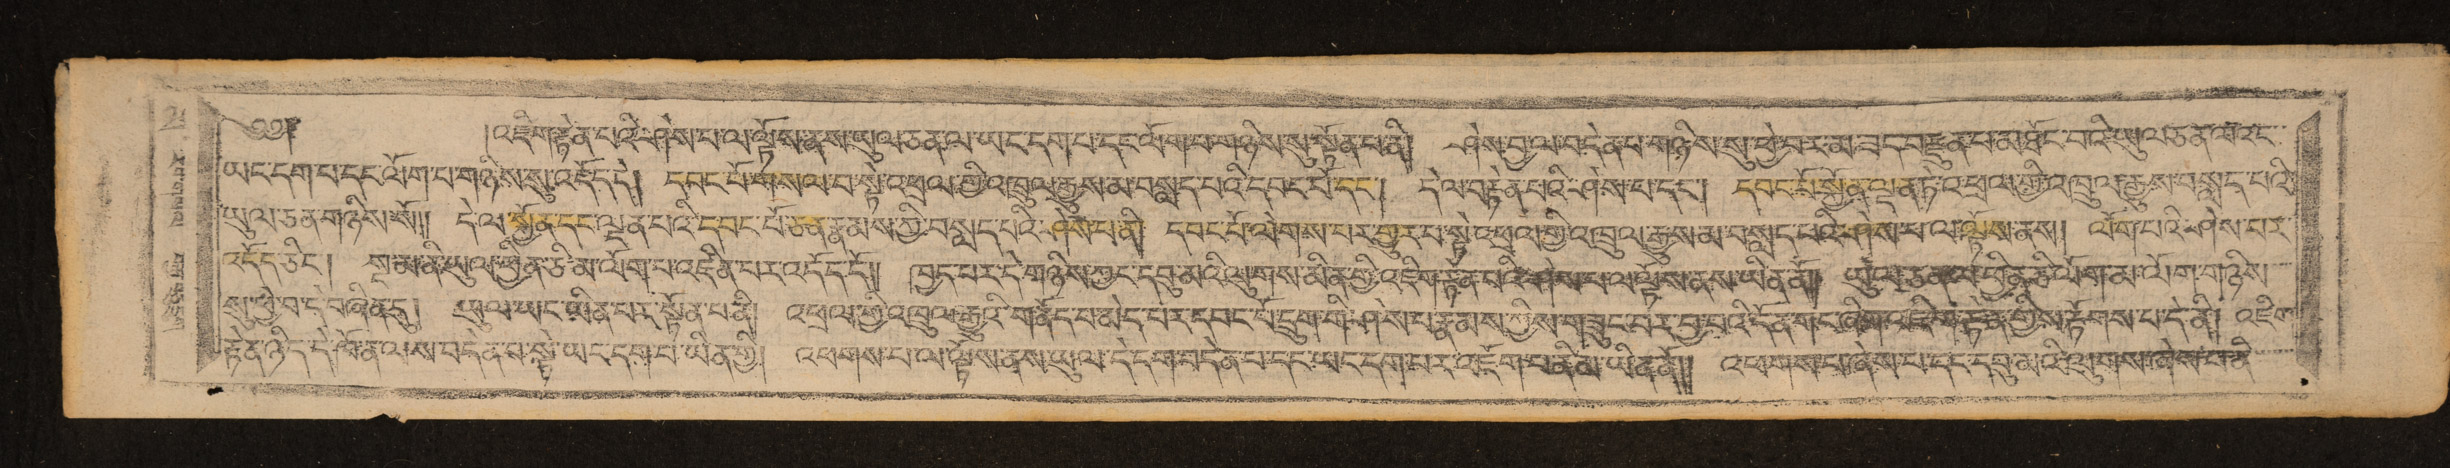༄༅། །འཇིག་རྟེན་པའི་ཤེས་པ་ལ་ལྟོས་ནས་ཡུལ་ཅན་ལ་ཡང་དག་པ་དང་ལོག་པ་གཉིས་སུ་སྟོན་པ་ནི། ཤེས་བྱ་ལ་བདེན་པ་གཉིས་སུ་ཕྱེ་བར་མ་ཟད་བརྫུན་པ་མཐོང་བའི་ཡུལ་ཅན་ལའང་
ཡང་དག་པ་དང་ལོག་པ་གཉིས་སུ་འདོད་དེ། དབང་པོ་གསལ་བ་སྟེ་འཕྲལ་གྱི་འཁྲུལ་རྒྱུས་མ་བསླད་པའི་དབང་པོ་དང་། དེ་ལ་བརྟེན་པའི་ཤེས་པ་དང་། དབང་པོ་སྐྱོན་ལྡན་ཏེ་འཕྲལ་གྱི་འཁྲུལ་རྒྱུས་བསླད་པའི་
ཡུལ་ཅན་གཉིས་སོ།། དེ་ལ་སྐྱོན་དང་ལྡན་པའི་དབང་པོ་ཅན་རྣམས་ཀྱི་བསླད་པའི་ཤེས་པ་ནི། དབང་པོ་ལེགས་པར་གྱུར་པ་སྟེ་འཕྲལ་གྱི་འཁྲུལ་རྒྱུས་མ་བསླད་པའི་ཤེས་པ་ལ་ལྟོས་ནས། ལོག་པའི་ཤེས་པར་
འདོད་ཅིང་། སྔ་མ་ནི་ཡུལ་ཕྱིན་ཅི་མ་ལོག་པ་འཛིན་པར་འདོད་དོ།། ཁྱད་པར་དེ་གཉིས་ཀྱང་དབུ་མའི་ལུགས་མིན་གྱི་འཇིག་རྟེན་པའི་ཤེས་པ་ལ་ལྟོས་ནས་ཡིན་ནོ།། ཡུལ་ཅན་ལ་ཕྱིན་ཅི་ལོག་མ་ལོག་གཉིས་
སུ་ཕྱེ་བ་དེ་བཞིན་དུ། ཡུལ་ཡང་ཡིན་པར་སྟོན་པ་ནི། འཕྲལ་གྱི་འཁྲུལ་རྒྱུའི་གནོད་པ་མེད་པར་དབང་པོ་དྲུག་གི་ཤེས་པ་རྣམས་ཀྱིས་གཟུང་བར་བྱ་བའི་དོན་གང་ཞིག་འཇིག་རྟེན་གྱིས་རྟོགས་པ་དེ་ནི། འཇིག་
རྟེན་ཉིད་དེ་ཁོ་ན་ལས་བདེན་པ་སྟེ་ཡང་དག་པ་ཡིན་གྱི། འཕགས་པ་ལ་ལྟོས་ནས་ཡུལ་དེ་དག་བདེན་པ་དང་ཡང་དག་པར་འཇོག་པ་ནི་མ་ཡིན་ནོ།། འཕགས་པ་ཞེས་པ་དང་དབུ་མའི་ལུགས་ཞེས་པ་ནི་